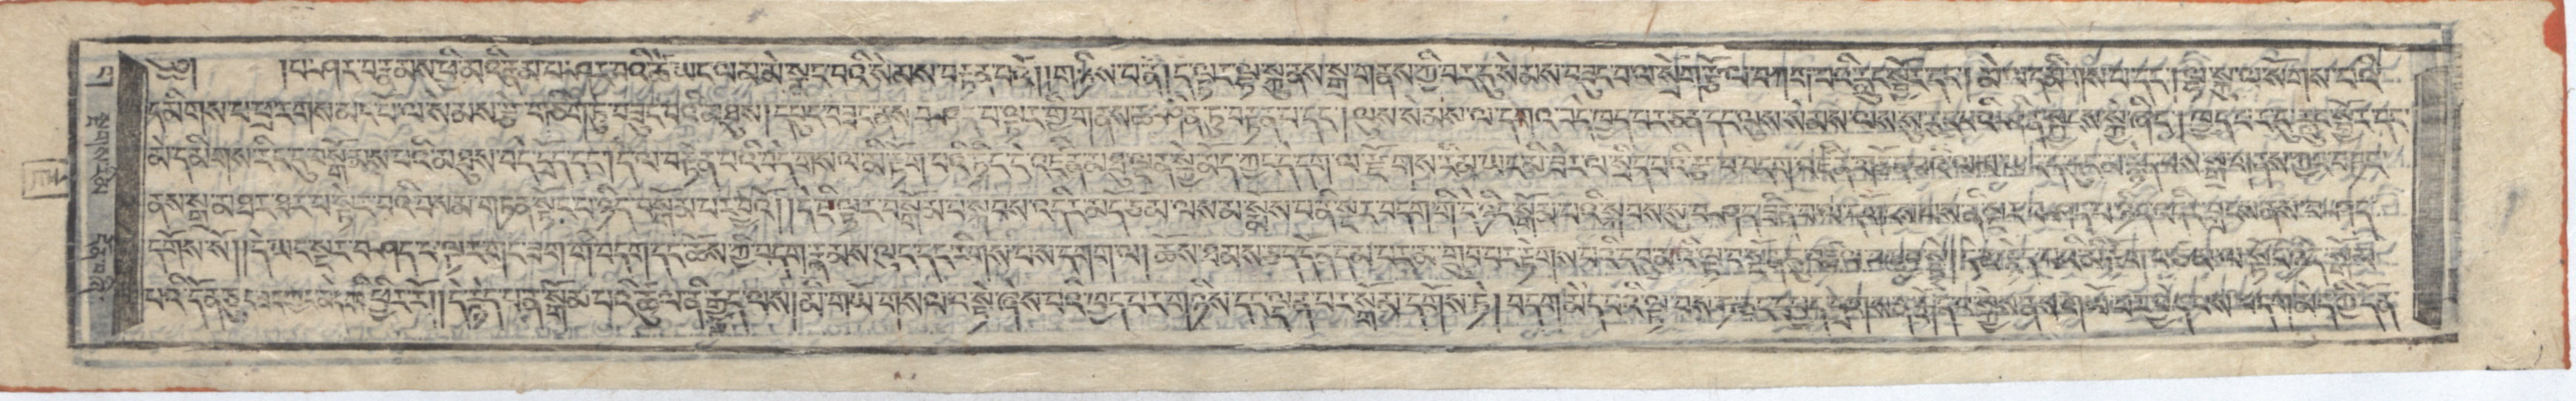༄༅། །པ་ཤར་བ་རྣམས་ཕྱི་མའི་རྣམ་པ་ཤར་བའི་ཚེ་ཡང་ལམ་མེ་སྣང་བའི་སེམས་བརྟན་པའོ། །གཉིས་པ་ནི། དེ་ལྟར་ལྷ་སྐུ་ནས་སྒྲ་གནས་ཀྱི་བར་དུ་སེམས་བཟུང་བ་ལ་སྲོག་རྩོལ་བཀག་པའི་རླུང་སྦྱོར་དང་། མེ་ལ་དམིགས་པ་དང་། ལྷ་སྐུ་ལ་སོགས་པའི་
དམིགས་པ་ཕྲ་རགས་མང་པོ་ལ་སེམས་རྩེ་གཅིག་ཏུ་བཟུང་བའི་མཐུས། དཔུང་བཟང་ནས་བཤད་པ་ལྟར་གྱི་གནས་ཆ་ཤིན་ཏུ་བརྟེན་པ་དང་། ལུས་སེམས་ལ་དགའ་བདེ་ཁྱད་པར་ཅན་དང་ལུས་སེམས་ལས་སུ་རུང་བའི་ཤིན་སྦྱངས་སྐྱེ་ཞིང་། ཁྱད་པར་དུ་རླུང་སྦྱོར་དང་
མེ་དམིགས་རིང་དུ་བསྒོམས་པའི་མཐུས་བདེ་དྲོད་དང་། དེ་ལ་བརྟེན་པའི་བདེ་གསལ་མི་རྟོག་པའི་ཏིང་ངེ་འཛིན་མཐུ་ལྡན་སྐྱེ་མོད་ཀྱང་དེ་དག་ལ་རྫོགས་རིམ་ཡང་མི་ཟེར་ལ་སྲིད་པའི་རྩ་བ་བདག་འཛིན་གཅོད་པའི་ལམ་ཡང་ད་དུང་མ་རྙེད་པས་སྒྲ་གནས་ཀྱང་བཏང་
ནས་སྒྲ་མཐར་ཐར་པ་སྟེར་བའི་བསམ་གཏན་སྟོང་པ་ཉིད་བསྒོམ་པར་བྱའོ། །དེ་ཇི་ལྟར་བསྒོམ་པ་སྐབས་འདིར་མདོ་ཙམ་ལས་མ་སྨོས་པ་ནི་སྔར་བདག་གི་དེ་ཉིད་སྒོམ་པའི་སྐབས་སུ་བཤད་ཟིན་པ་ལ་དགོངས་པས་ནི་སྔར་བཤད་པ་ཉིད་འདིར་བླངས་ནས་བཤད་
དགོས་སོ། །དེ་ཡང་སྔར་བཤད་པ་ལྟར་གང་ཟག་གི་བདག་དང་ཆོས་ཀྱི་བདག་རྣམས་ལུང་དང་རིགས་པས་དགག་ལ། ཆོས་ཐམས་ཅད་དོན་དམ་པར་མ་གྲུབ་པར་རྟོགས་པའི་དབུ་མའི་ལྟ་བ་སྔོན་དུ་བཙལ་བར་བྱ་སྟེ། དེ་མ་རྙེད་པའི་མི་རྟོག་པ་ཙམ་ལ་སྟོང་ཉིད་སྒོམ་
པའི་དོན་ཅུང་ཟད་ཀྱང་མེད་པའི་ཕྱིར་རོ། །དེ་རྙེད་པ་ན་སྒོམ་པའི་ཚུལ་ནི་རྒྱུད་ལས། མི་གཡོ་གསལ་བ་སྟེ་ཞེས་པའི་ཁྱད་པར་གཉིས་དང་ལྡན་པར་སྒོམ་དགོས་ཏེ། བདག་མེད་པའི་ལྟ་བས་ཧ་ཅང་དཔྱད་དྲགས་ན་རྒོད་པ་སྐྱེས་ནས་གཡོ་བར་བྱེད་པས་བདག་མེད་ཀྱི་དོན་